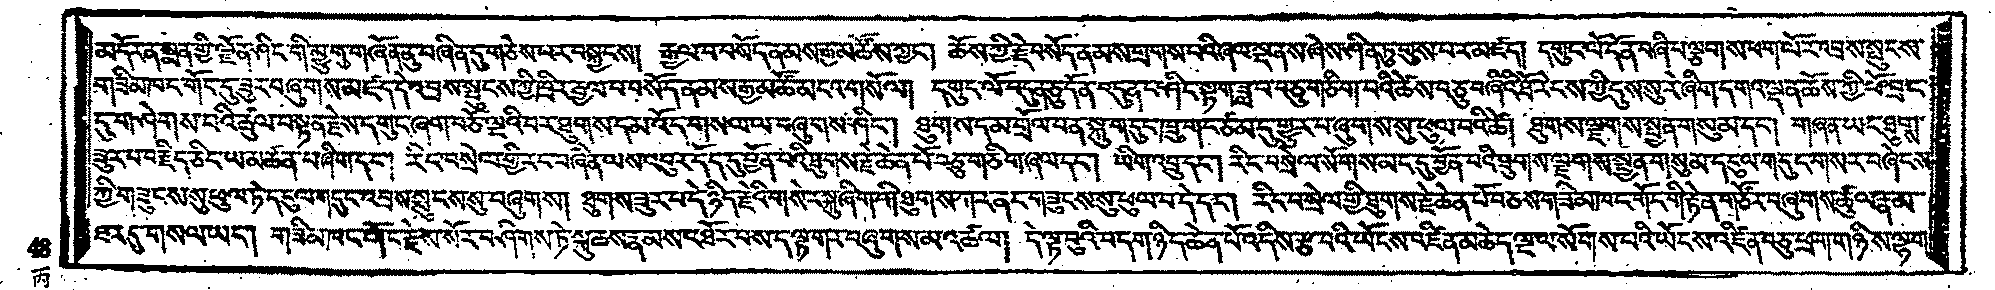མདོར་ན་སྨན་གྱི་ལྗོན་ཤིང་གི་མྱུ་གུ་གཞོན་ནུ་བཞིན་དུ་གཅེས་པར་བསྐྱངས། རྒྱལ་བ་བསོད་ནམས་རྒྱ་མཚོས་ཀྱང་། ཆོས་ཀྱི་རྗེ་བསོད་ནམས་གྲགས་པའི་ཞལ་སྔ་ནས་ཞེས་ཤིན་ཏུ་གུས་པར་མཛད། དགུང་ལོ་དོན་བཞི་པ་ལྕགས་ཕག་ལོར་འབྲས་སྤུངས་
གཟིམ་ཁང་གོང་དུ་ཟུར་བཞུགས་མཛད་དེ་འབྲས་སྤུངས་ཀྱི་ཁྲིར་རྒྱལ་བ་བསོད་ནམས་རྒྱ་མཚོ་མངའ་གསོལ། དགུང་ལོ་བདུན་ཅུ་དོན་བདུན་པ་ཤིང་སྟག་ཟླ་བ་བཅུ་གཅིག་པའི་ཚེས་བཅུ་བཞིའི་ཐོ་རེངས་ཀྱི་དུས་སུ་རེ་ཞིག་དགའ་ལྡན་ཆོས་ཀྱི་ཕོ་བྲང་
དུ་གཤེགས་པའི་ཚུལ་བསྟན་རྗེས་དགུང་ཞག་བཅོ་ལྔའི་བར་ཐུགས་དམ་འོད་གསལ་ལ་བཞུགས་ཤིང་། ཐུགས་དམ་གྲོལ་བ་ན་སྐུ་གདུང་ཁྲུ་གང་ཙམ་དུ་གྱུར་པ་ཞུགས་སུ་ཕུལ་བའི་ཚེ། ཐུགས་ལྗགས་སྤྱན་གསུམ་དང་། གཞན་ཡང་ཐུགས་
ཟུར་པ་བརྗིད་ཅིང་ཡ་མཚན་པ་ཞིག་དང་། རིང་བསྲེལ་གྱི་རང་བཞིན་ལས་འབུར་དོད་དུ་བྱོན་པའི་ཐུགས་རྗེ་ཆེན་པོ་བཅུ་གཅིག་ཞལ་དང་། ཡིག་འབྲུ་དང་། རིང་བསྲེལ་སོགས་མང་དུ་བྱོན་པའི་ཐུགས་ལྗགས་སྤྱན་གསུམ་དངུལ་གདུང་གསར་བཞེངས་
ཀྱི་གཟུངས་སུ་ཕུལ་ཏེ་དངུལ་གདུང་འབྲས་སྤུངས་སུ་བཞུགས། ཐུགས་ཟུར་པ་དེ་ཉིད་རྗེའི་གསེར་སྐུ་ཞིག་གི་ཐུགས་ཀར་ནང་གཟུངས་སུ་ཕུལ་བ་དེ་དང་། རིང་བསྲེལ་གྱི་ཐུགས་རྗེ་ཆེན་པོ་བཅས་གཟིམ་ཁང་གོང་གི་རྟེན་གཙོར་བཞུགས་ཚུལ་རྣམ་
ཐར་དུ་གསལ་ཡང་། གཟིམ་ཁང་གོང་རྗེས་སོར་བཤིགས་ཏེ་སྐུ་ཆས་རྣམས་འཐོར་བས་ད་ལྟ་གར་བཞུགས་མ་འཚལ། དེ་ལྟ་བུའི་བདག་ཉིད་ཆེན་པོ་འདིས་རྩ་བའི་ཡོངས་འཛིན་མཆེད་ལྔ་ལ་སོགས་པའི་ཡོངས་འཛིན་བཅུ་ཕྲག་གཉིས་ལྷག་